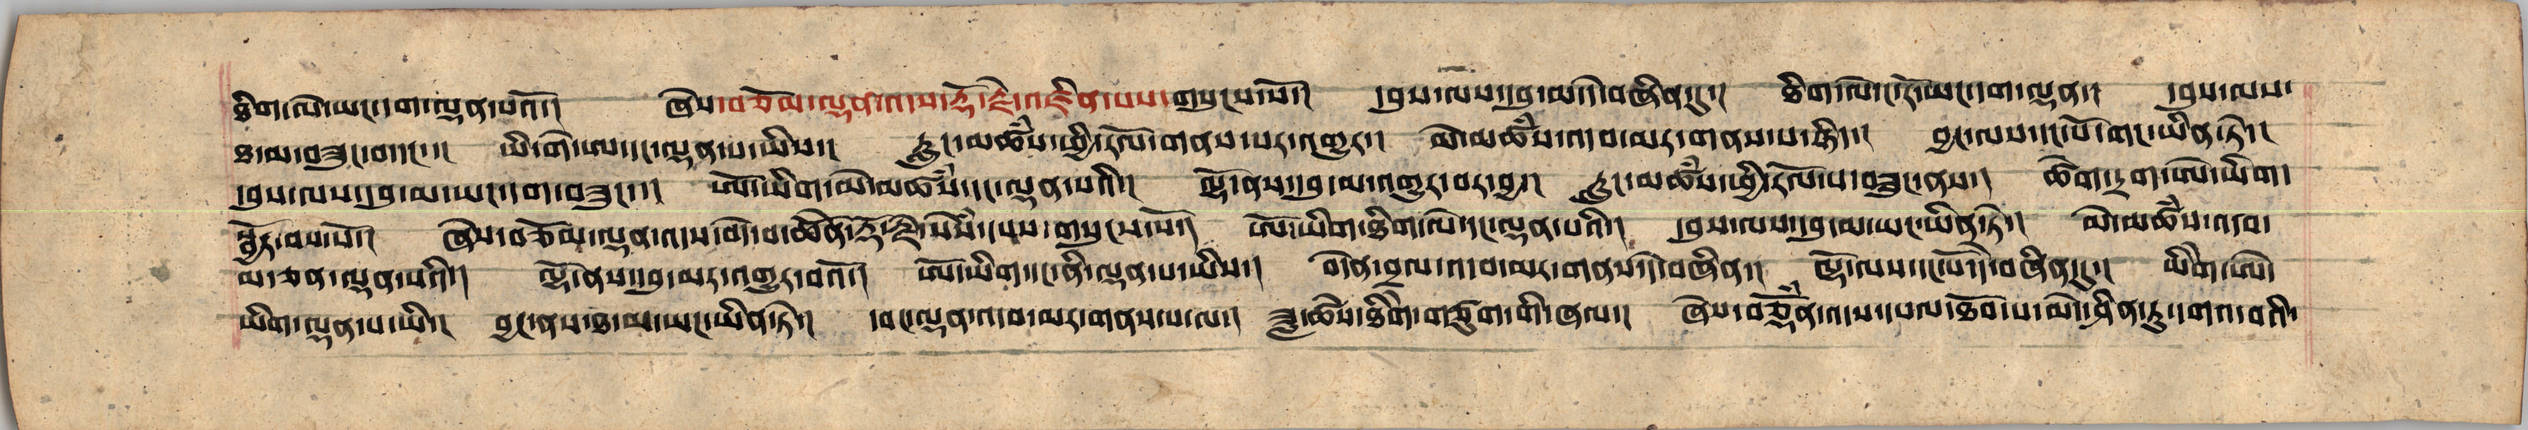ཐིག་ལེ་ཡང་དག་ལྡན་པའོ་། ཞེས་བཅོམ་ལྡན་འདས་རྡོ་རྗེ་འཛིན་པས་གསུངས་སོ་། དབུས་ལས་དབུ་མ་དེ་བཞིན་དུ་། ཐིག་ལེ་ང་རོ་ཡང་དག་ལྡན་། དབུས་ལས་
ཐ་མ་བཟུང་བ་དང་་། ཡི་གེ་ཨ་དང་ལྡན་པ་ཡིས་། རླུང་མཚཾས་ཕྱི་རོལ་གནས་པར་འགྱུར་། མེ་མཚཾས་འདབ་མར་གནས་པ་ཉིད་། བྱང་ལས་དང་པོ་གང་ཡིན་ཏེ་།
དབུས་ལས་དབུ་མ་ཡང་དག་བཟུང་་། ཨོ་ཡིག་མེ་མཚམས་དང་ལྡན་པའི་། ལྷོ་ནས་དབུ་མ་འགྱུར་བར་བྱ་། རླུང་མཚཾས་ཕྱི་རོལ་པ་བཟུང་ནས་། ཚེག་དྲག་ཨེ་ཡིག་
སྦྱོར་བས་སོ་། ཞེས་བཅོམ་ལྡན་འདས་བདེ་བ་ཆེནོ་རྡོ་རྗེ་སེཾས་དཔས་གསུངས་སོ་། ཨོ་ཡིག་ཐིག་ལེ་དང་ལྡན་པའི་། དབུས་ལས་དབུ་མ་ཡང་ཡིན་ཏེ་། མེ་མཚཾས་འདབ་
མ་ཅན་ལྡན་པའི་། ལྷོ་ནས་དབུ་མར་འགྱུར་བའོ་། ཨོ་ཡིག་དང་ནི་ལྡན་པ་ཡིས་། བདེན་བྲལ་འདབ་མར་གནས་དེ་བཞིན་། ལྷོ་ལས་དང་པོ་དེ་བཞིན་དུ་། ཡིགེ་ཨེ་
ཡིག་ལྡན་པ་ཡི་། བྱང་ནས་ཐ་མ་ཡང་ཡིན་ཏེ་། དབང་ལྡན་འདབ་མར་གནས་པ་ལ་། ཟླ་ཚེས་ཐིགེ་གཙུག་གི་ཞལ་། ཞེས་བཅྡོན་འདས་དཔལ་ཐོབ་པ་མེད་ཤིན་ཏུ་དགའ་བའི་